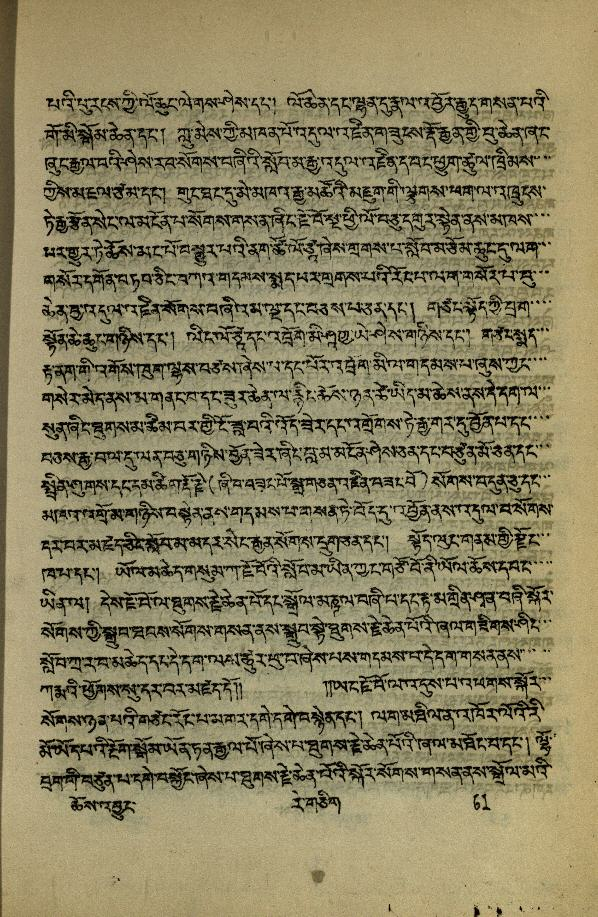པའི་པུ་རངས་ཀྱི་ལོ་ཆུང་ལེགས་ཤེས་དང་། ལོ་ཆེན་དང་ལྷན་དུ་རྣལ་འབྱོར་རྒྱུད་གསན་པའི་
གོ་མི་སྒོམ་ཆེན་དང་། ཀླུ་མེས་ཀྱི་མཁན་པོ་འདུལ་འཛིན་གཟུངས་རྡོ་རྒྱན་གྱི་བུ་ཆེན་ཞང་
ཞུང་རྒྱལ་བའི་ཤེས་རབ་སོགས་བཞིའི་སློབ་མ་རྒྱ་འདུལ་འཛིན་དབང་ཕྱུག་ཚུལ་ཁྲིམས་
ཀྱིས་མཇལ་ཙམ་དང་། གུང་ཐང་དུ་མེ་མཁའ་རྒྱ་མཚོའི་མཇུག་གི་ལྕགས་ཕག་ལ་འཁྲུངས་
ཏེ་རྒྱ་རྩོན་སེང་ལ་མངོན་པ་སོགས་གསན་ཞིང་ཇེ་བོ་སྔ་ཕྱི་ལོ་བཅུ་དགུར་སྟེན་ནས་མཁས་
པར་གྱུར་ཏེ་ཆོས་མང་པོ་བསྒྱུར་པའི་ནག་ཚོ་ལོ་ཙཱ་ཞེས་གྲགས་པ་སློབ་མ་ཅོམ་ཆུང་དུ་ལག་
གསོར་དགོན་བཏབ་ཅིང་བཀའ་གདམས་སྨད་པར་གྲགས་པའི་རོང་པ་ལག་གསོར་པ་བུ་
ཆེན་བྱ་འདུལ་འཛིན་སོགས་བཞིའམ་ལྔ་དང་བཅས་པ་ཅན་དང་། གཙང་སྟོད་ཀྱི་བྲག་
སྟོན་ཆེ་ཆུང་གཉིས་དང་། ལིང་ལོ་ཙཱ་དང་འབྲོག་མི་ཤཱཀྱ་ཡེ་ཤེས་གཉིས་དང་། གཙང་སྨད་
རྟ་ནག་གི་འགོས་ཁུག་ལྷས་བཙས་ཞེས་པ་དང་པོར་འབྲོག་མི་ལ་གདམས་པ་ཞུས་ཀྱང་
གསེར་མེད་ནས་མ་གནང་བ་དང་ཟུར་ཆེན་ལ་རྙིང་ཆོས་ཉན་ཚེ་ཡིད་མ་ཆེས་ནས་དེ་དག་ལ་
སུན་ཞིང་ཐུགས་མ་ཚིམ་པར་གྱི་ངོ་ཟླ་བའི་འོད་ཟེར་དང་འགྲོགས་ཏེ་རྒྱ་གར་དུ་བྱོན་པ་དང་
བཅས་རྒྱ་བལ་དུ་ལན་བཅུ་གཉིས་བྱོན་ཟེར་ཞིང་བླ་མ་མངོན་ཤེས་ཅན་དང་བཙུན་མོ་ཅན་དང་
སྤྲིན་ཤུགས་དང་དམ་ཚིག་རྡོ་རྗེ་ཞིབ་བཟང་པོ་སྒྲ་གཅན་འཛིན་བཟང་བོ་སོགས་བདུན་ཅུ་དང་
མཁའ་འགྲོ་མ་གཉིས་བསྟེན་ནས་གདམས་པ་གསན་ཏེ་བོད་དུ་འབྱོན་ནས་འདུལ་བ་སོགས་
དར་བར་མཛད་ཅིང་སློབ་མ་མདར་སེང་རྒྱན་སོགས་དྲུག་ཅན་དང་། སྟོད་ལུང་གནམ་གྱི་རྫོང་
ཁ་པ་དང་། ཡོལ་མཆེད་གསུམ་ཀ་ཇོ་བོའི་སློབ་མ་ཡིན་ཀྱང་གཙོ་བོ་ནི་ཡོལ་ཆོས་དབང་
ཡིན་ལ། དེས་ཇོ་བོ་ལ་ཐུགས་རྗེ་ཆེན་པོ་དང་སྒྲོལ་མཎྜལ་བཞི་པ་དང་རྟ་མགྲིན་ཤྭ་ན་བཞི་སྐོར་
སོགས་ཀྱི་སྒྲུབ་ཐབས་སོགས་གསན་ནས་སྒྲུབ་སྟེ་ཐུགས་རྗེ་ཆེན་པོའི་ཞལ་གཟིགས་ཤིང་
སློབ་ཀྲ་ར་བ་མཆེད་དང་དེ་དག་ལས་ཚུར་ཕུ་བ་ཞེས་པས་གདམས་པ་དེ་དག་གསན་ནས་
ཀརྨའི་ཕྱོགས་སུ་དར་བར་མཛད་དོ།། །།ཡང་ཇོ་བོ་ལ་འདུས་པ་འཕགས་སྐོར་
སོགས་ཉན་པའི་གཙང་རོང་པ་མགར་དགེ་དགེ་བསྙེན་དང་། ལག་མཐིལ་ན་འཁོར་ལོའི་རི་
མོ་ཡོད་པའི་རྔོག་སྒོམ་ཡོན་ཏན་རྒྱལ་པོ་ཞེས་པ་ཐུགས་རྗེ་ཆེན་པོའི་ཞལ་མཐོང་བ་དང་། ལྷོ་
བྲག་གི་བཙུན་པ་དགེ་བསྐྱོང་ཞེས་པ་ཐུགས་རྗེ་ཆེན་པོའི་སྐོར་སོགས་གསན་ནས་སྒྲོལ་མའི་